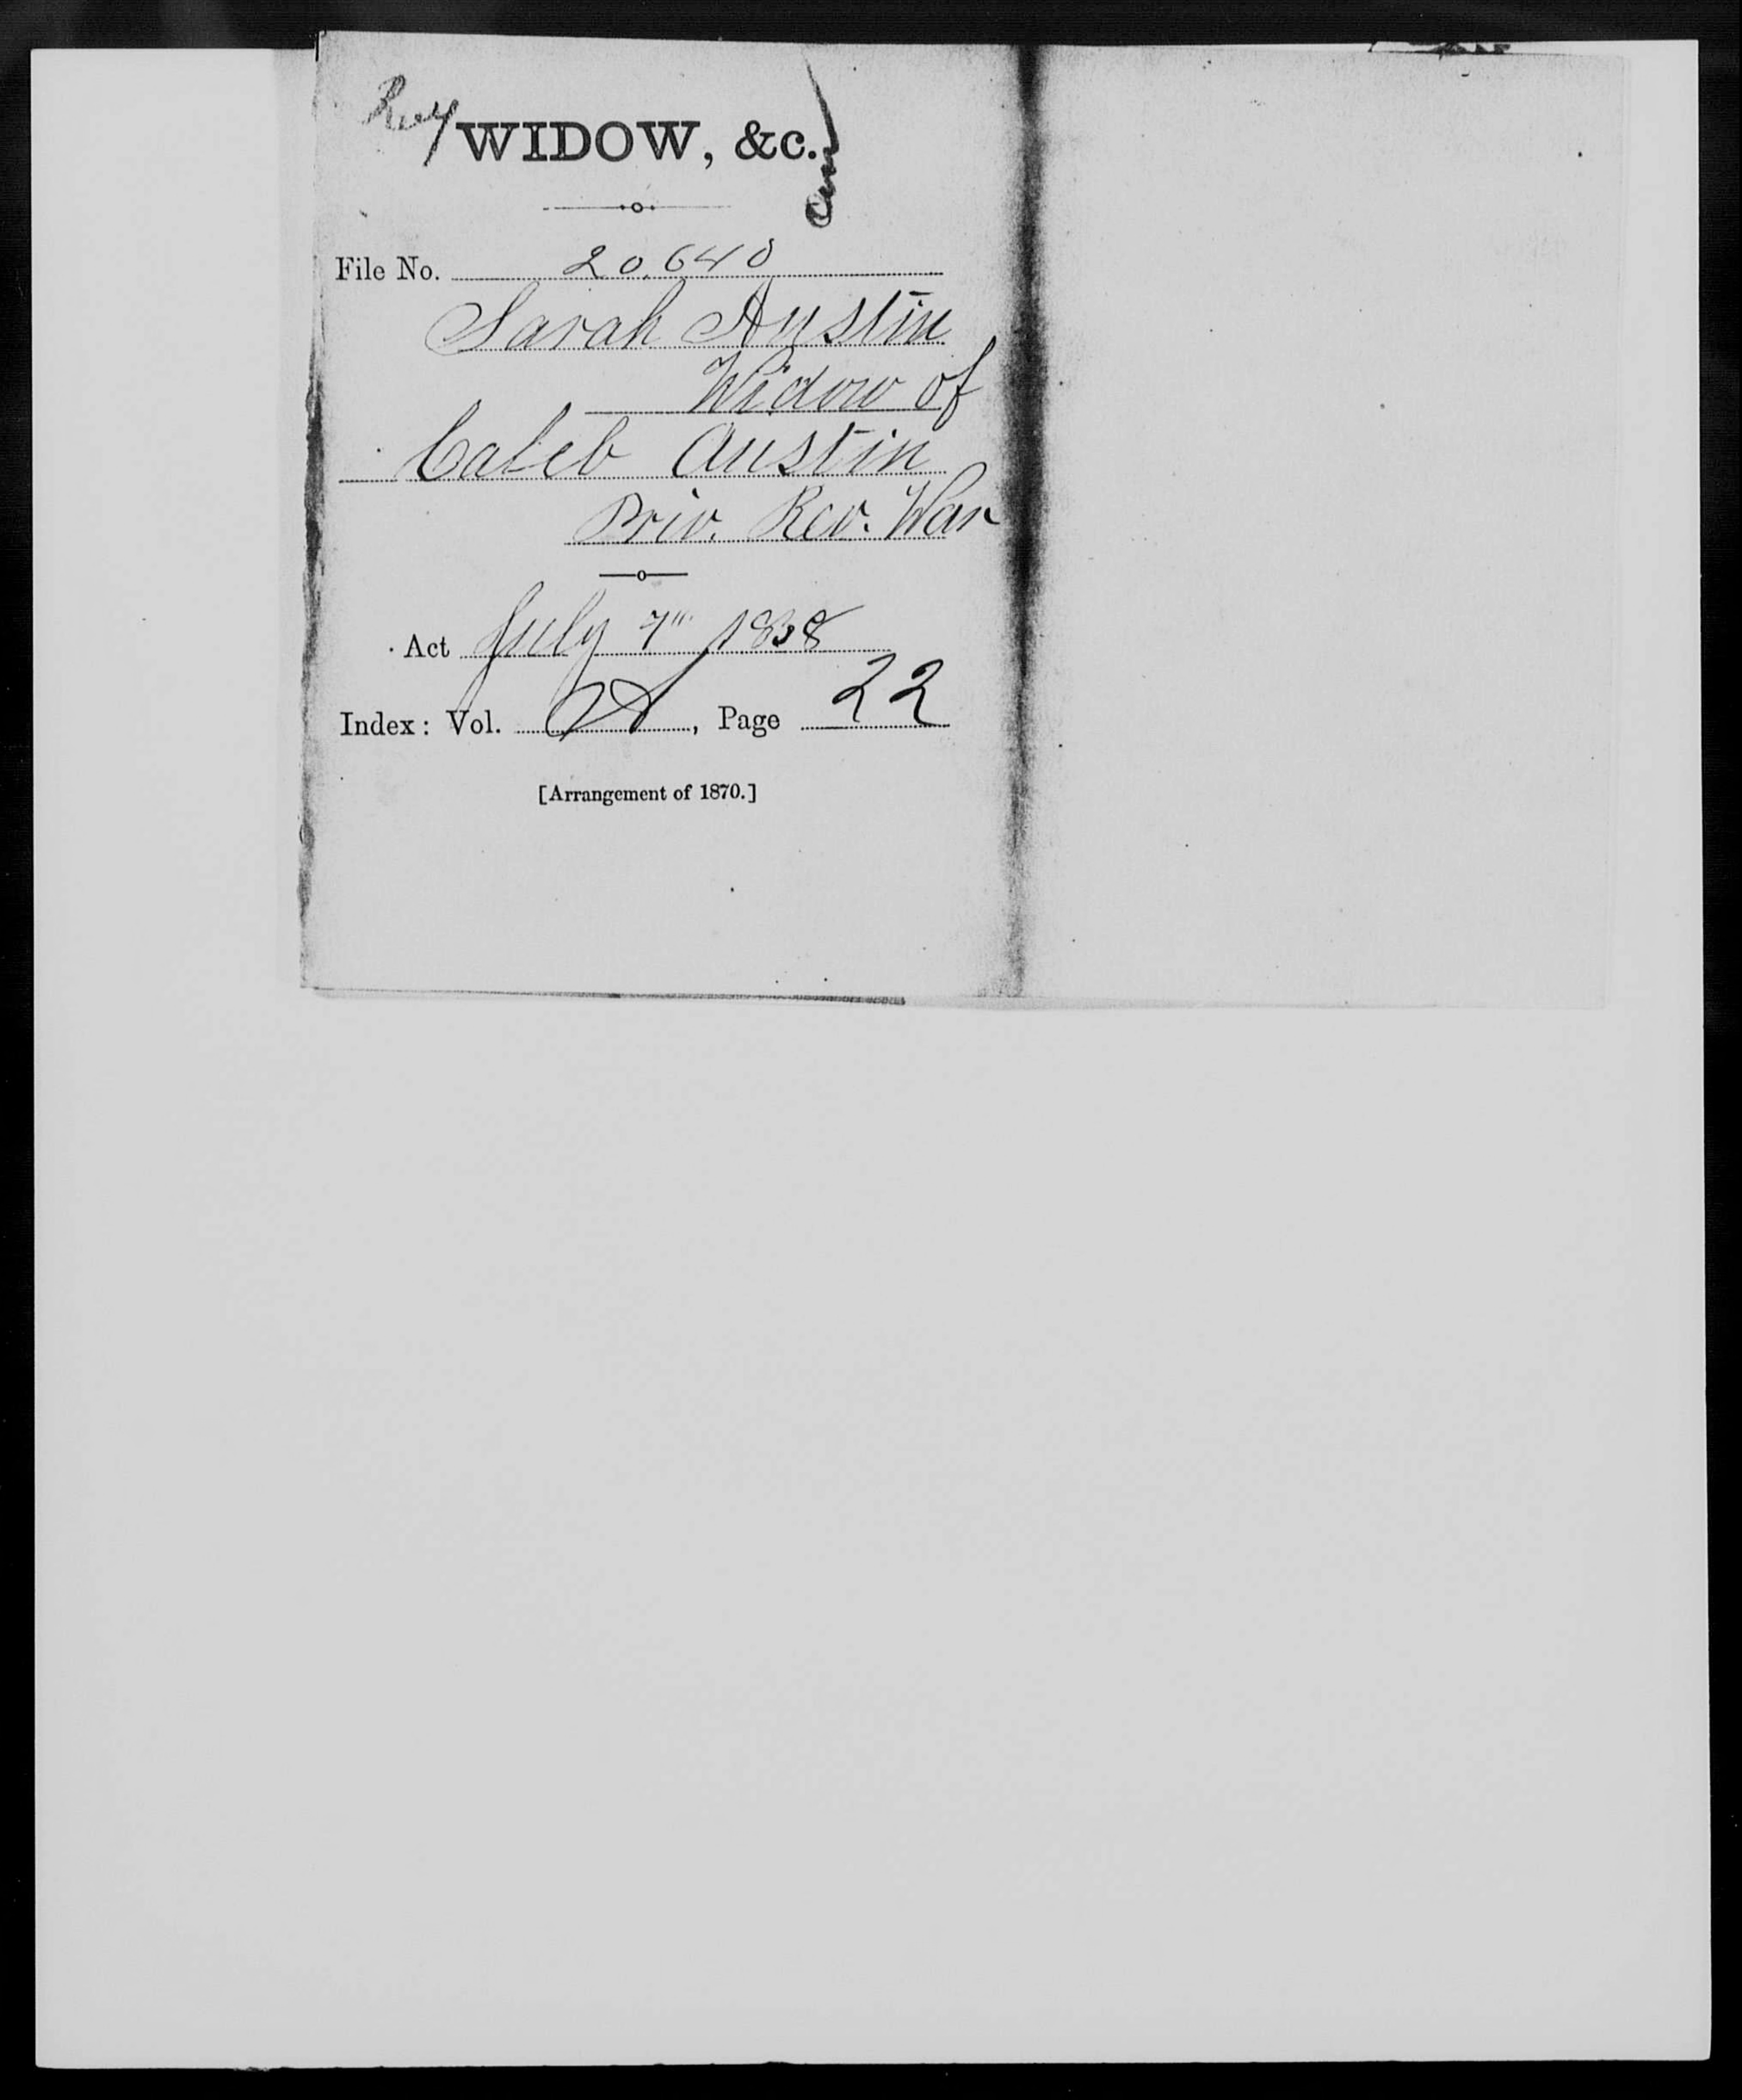Rev Widow
20640
Sarah Austin
Widow of
Caleb Austin
Priv. Rev. War
July 7th 1838
Vol. A, Page 22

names: Sarah Austin, Caleb Austin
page: 13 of 18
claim: widow's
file: W. 20640, Caleb Austin, R.I.